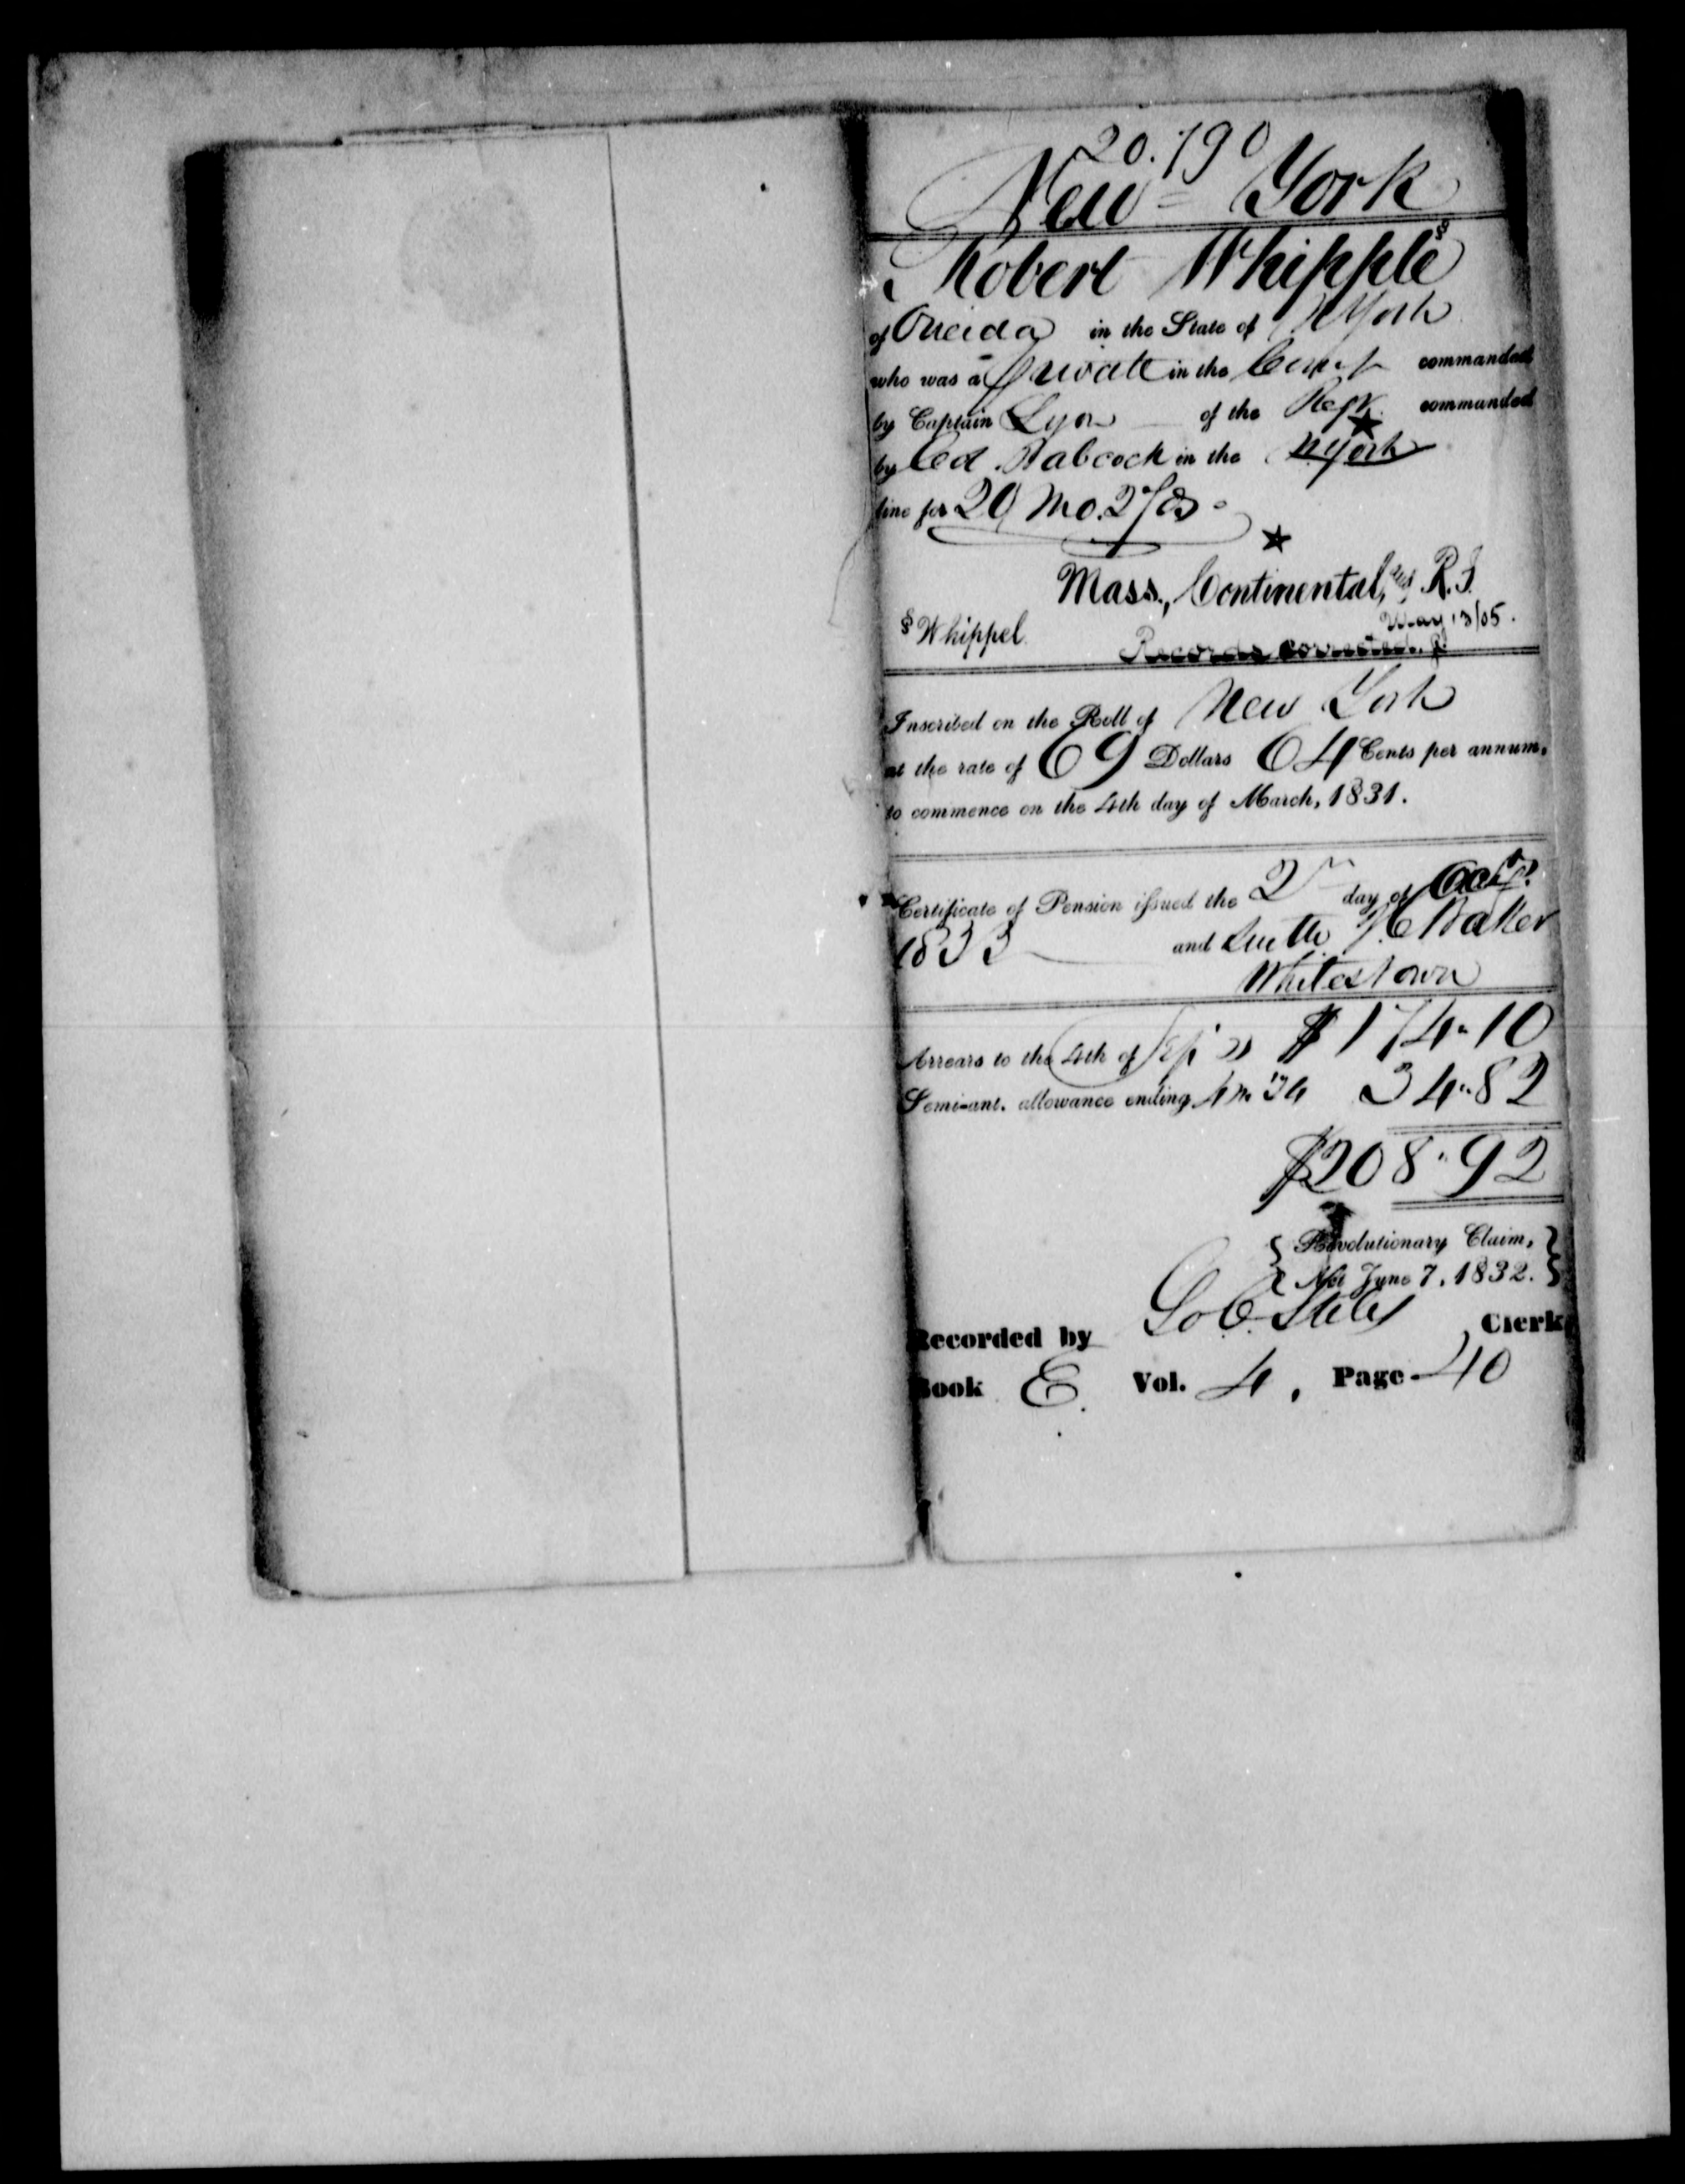20.190
New=York
Robert Whipple
of Oneida in the State of N York
who was a private in the Compy commanded
by Captain Lyon of the Regt. commanded
by Col. Babcock in the N. York
line for 20 Mo. 2yos
Mass., Continental, and R. I.

Whippel
Records corrected May 13/05

Inscribed on the Roll of New York
at the rate of 69 Dollars 64 Cents per annum,
to commence on the 4th day of March, 1831.

Certificate of Pension issued the 2d day of Octr. 1833 and Sent to H. Baker
Whitestown

Arrears to the 4th of Sep '31    $174.10
Semi-anl. allowance ending 4 M '34  34.82
                                                 $208.92

{Revolutionary Claim,}
{Act June 7, 1832.}

Recorded by Go. C. Stiles Clerk
Book E Vol. 4, Page 40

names: Robert Whipple, H Baker, Go C Stiles, Lyon, Babcock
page: 2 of 18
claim: survivor's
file: S. 11731, Robert Whippel, Continental Mass R. I.